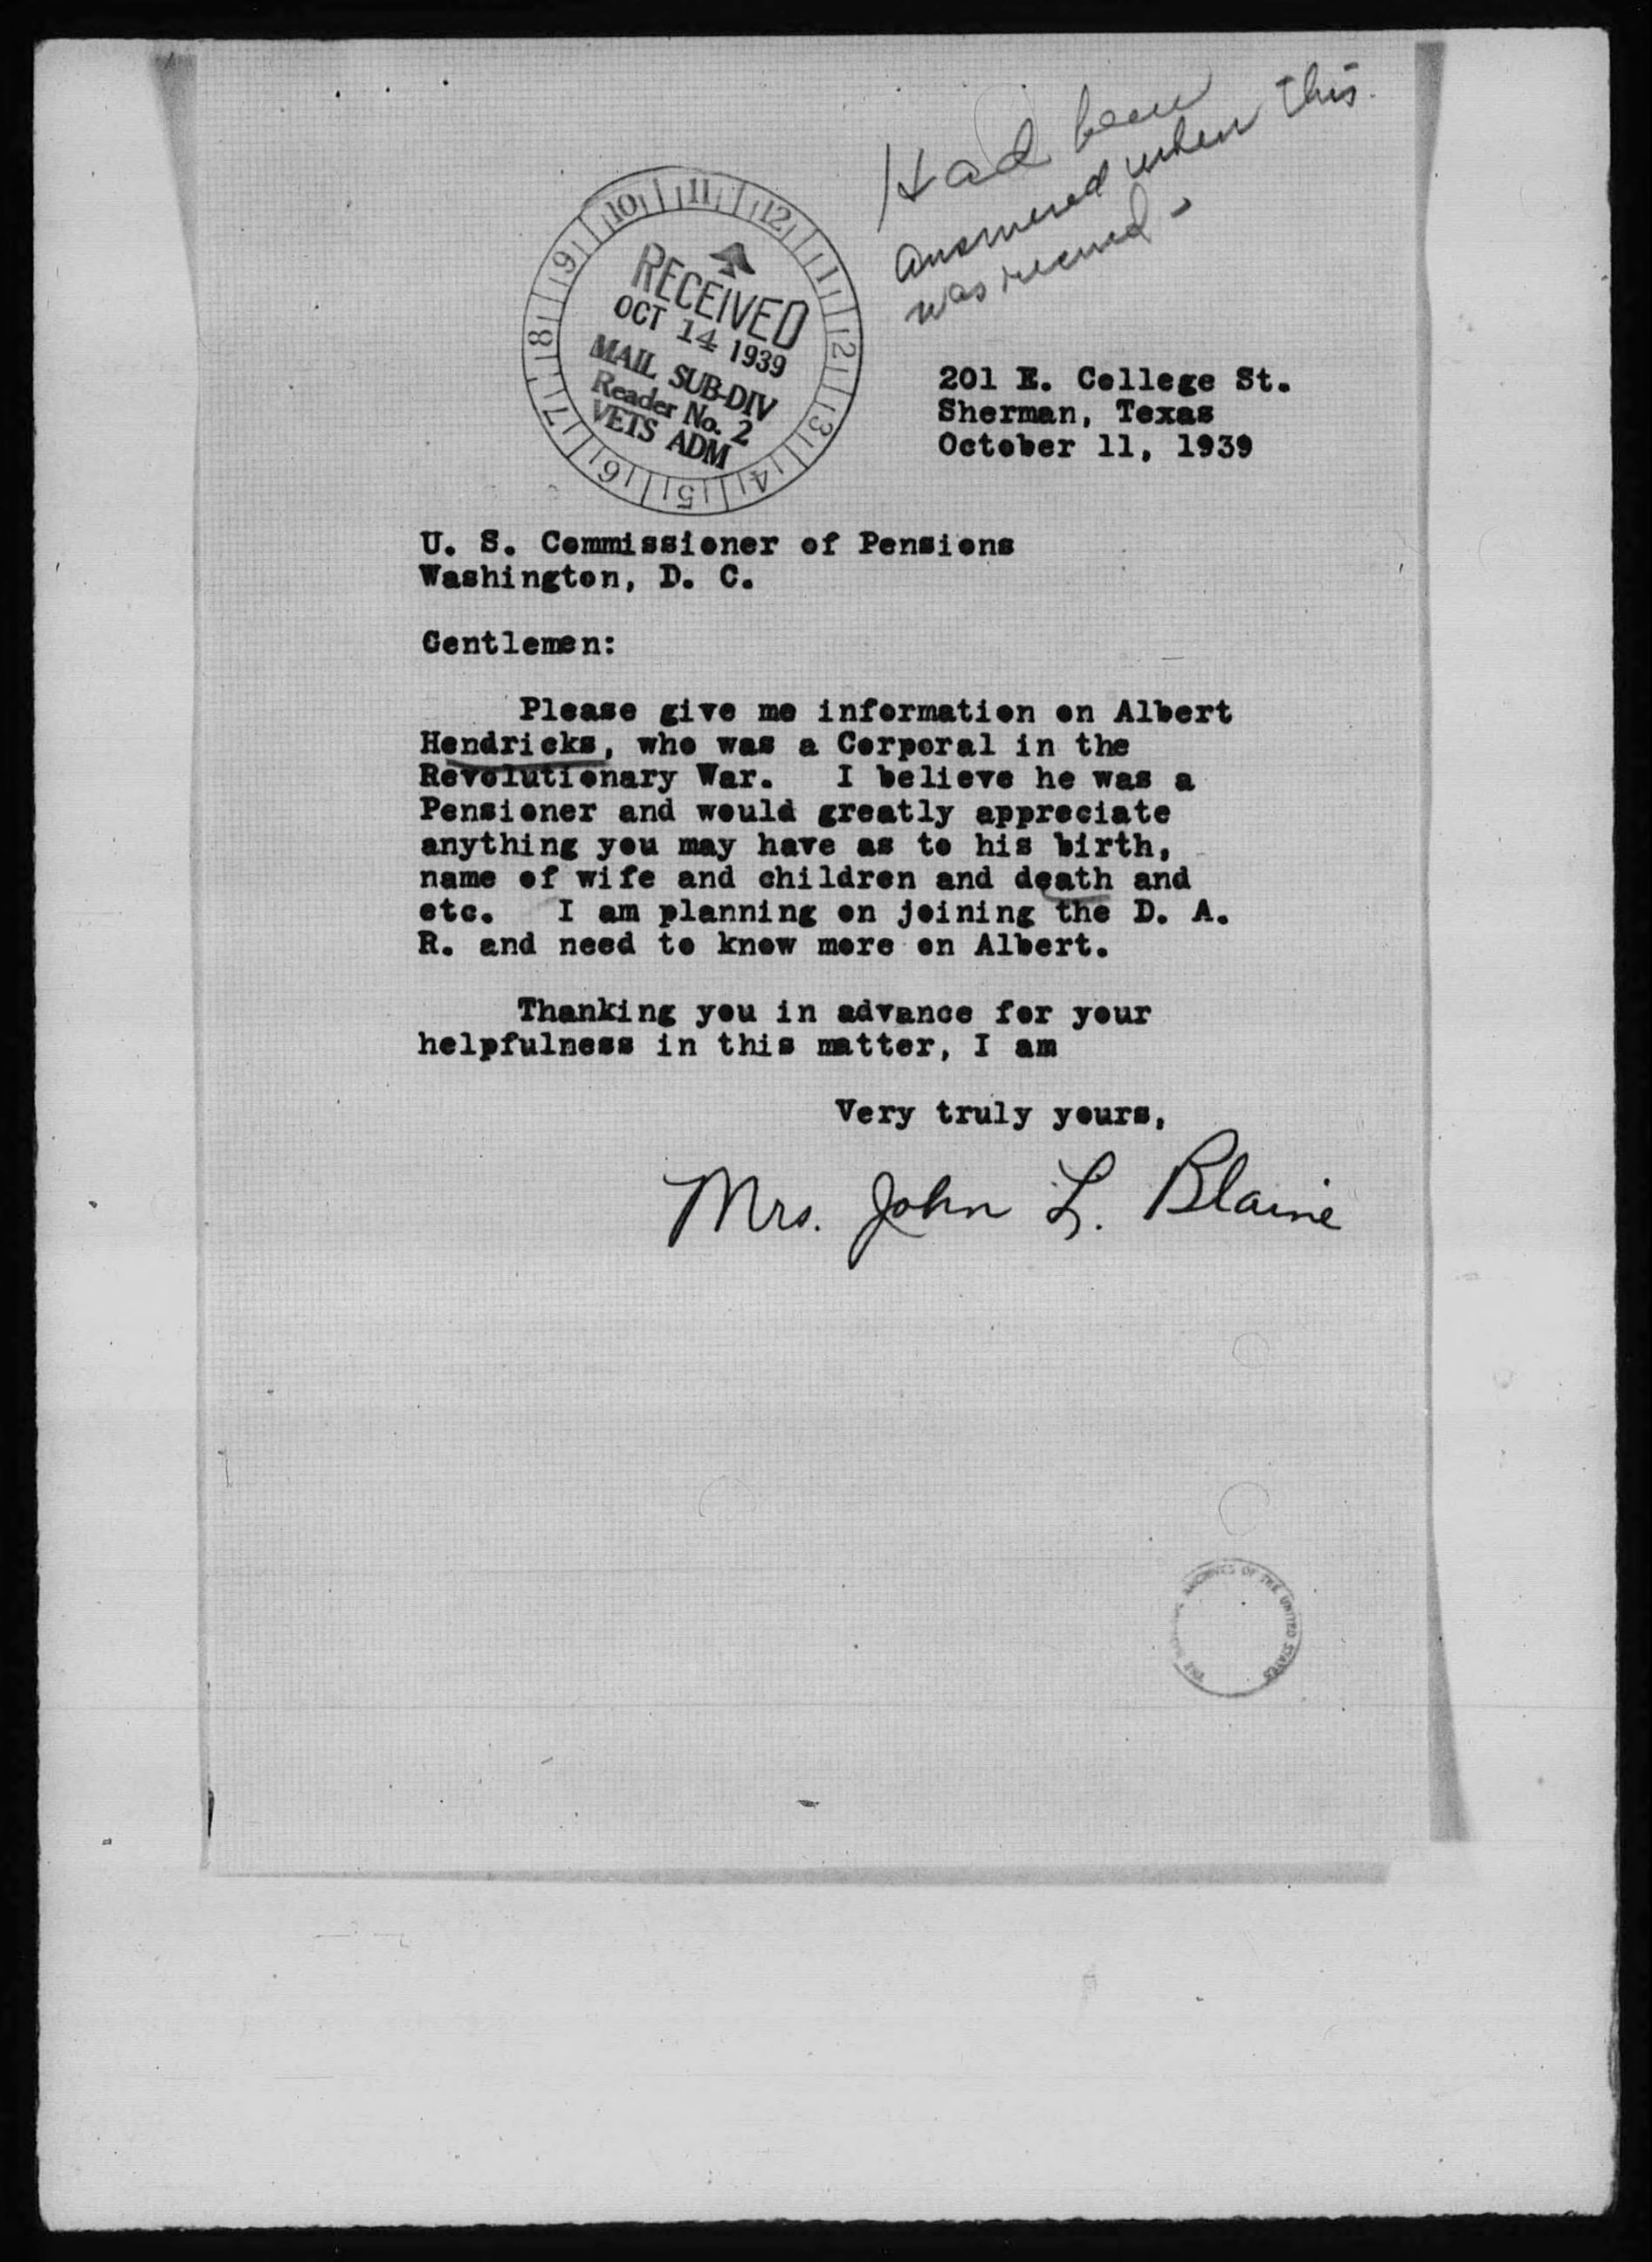[Circular time and date receipt stamp]
Arrow pointing to 11:45
RECEIVED 
OCT 14 1939
MAIL. SUB-D8V
Reader No. 2
VETS ADM

[Note at top of page]
Had been answered when
this was received.

U. S. Commissioner of Pensions 
Washington, D. C.

Gentlemen:

Please give me information on Albert 
Hendricks, who was a Corporal in the 
Revolutionary War.  I believe he was a 
Pensioner and would greatly appreciate 
anything you may have as to his birth, 
name of wife and children and death and 
etc.  I am planning on joining the D. A. 
R. and need to know more on Albert.

Thanking you in advance for your 
helpfulness in this matter, I am

Very truly yours,

Mrs. John L. Blaine

[Circular stamp National Archives]
THE NATIONAL ARCHIVES OF THE UNITED STATES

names: Albert Hendricks, Johnl Blaine, Albert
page: 69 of 76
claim: widow's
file: W. 83, Albert Hendricks, Continental Md. N.C.